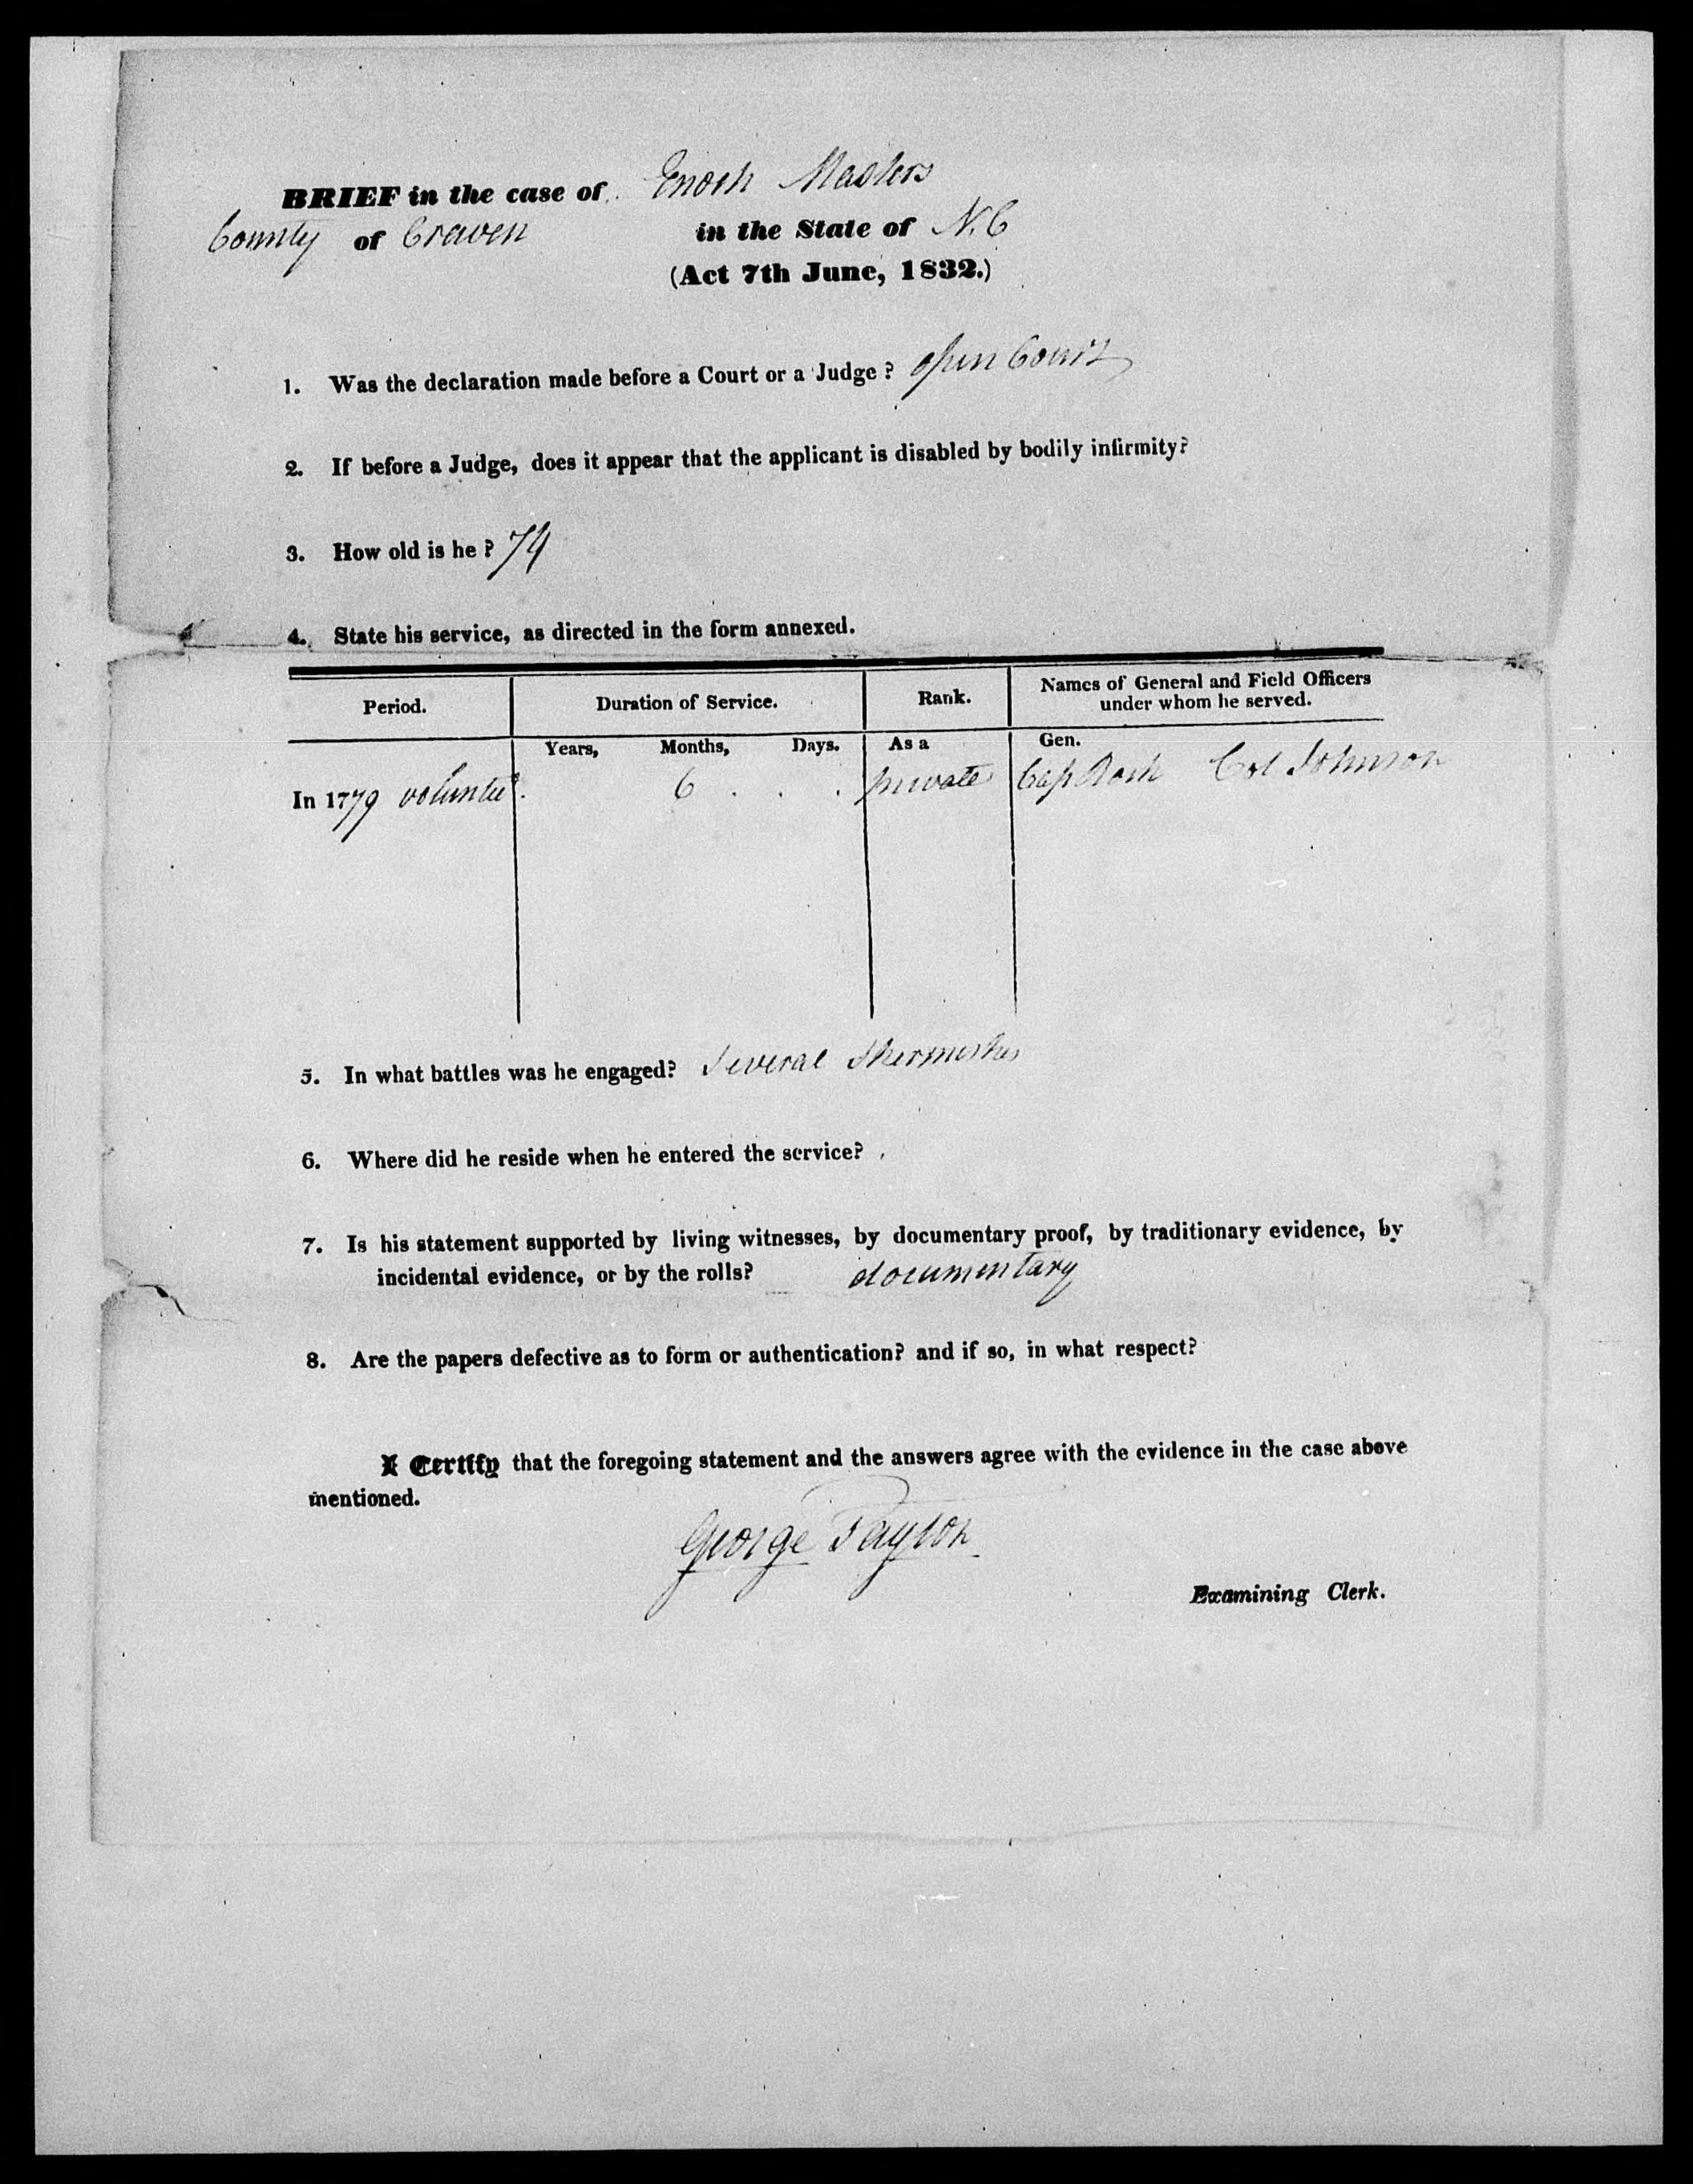BRIEF in the case of Enoch Masters
County of Craven in the State of N.C.
(Act 7th June, 1832)

1.  Was the declaration made before a Court of a Judge?  Open Court

2.  If before a Judge, does it appear that the applicant is disabled by bodily infirmity?

3.  How old is he?  74

4. State his service, as directed in the form annexed.
Period.  In 1779 volunteer
Duration of Service.  6 months...
Rank.  As a private
Names of General and Field Officers under whom he served. 
Cap Rosh
Col. Johnson

5.  In what battles was he engaged?  several skirmishes

6.  Where did he reside when he entered the service?

7.  Is his statement supported by living witnesses, by documentary proof, by traditionary evidence, by incidental evidence, or by the rolls?  documentary

8.  Are the papers defective as to form or authentication?  and if so, in what respect?

*Certify that the foregoing statement and the answers agree with the evidence in the case above mentioned.

George Payton
Examining Clerk.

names: [BLANK] Rosh; Enoch Masters; George Payton; [BLANK] Johnson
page: 4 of 15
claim: survivor's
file: S. 2749, for Enoch Masters, North Carolina